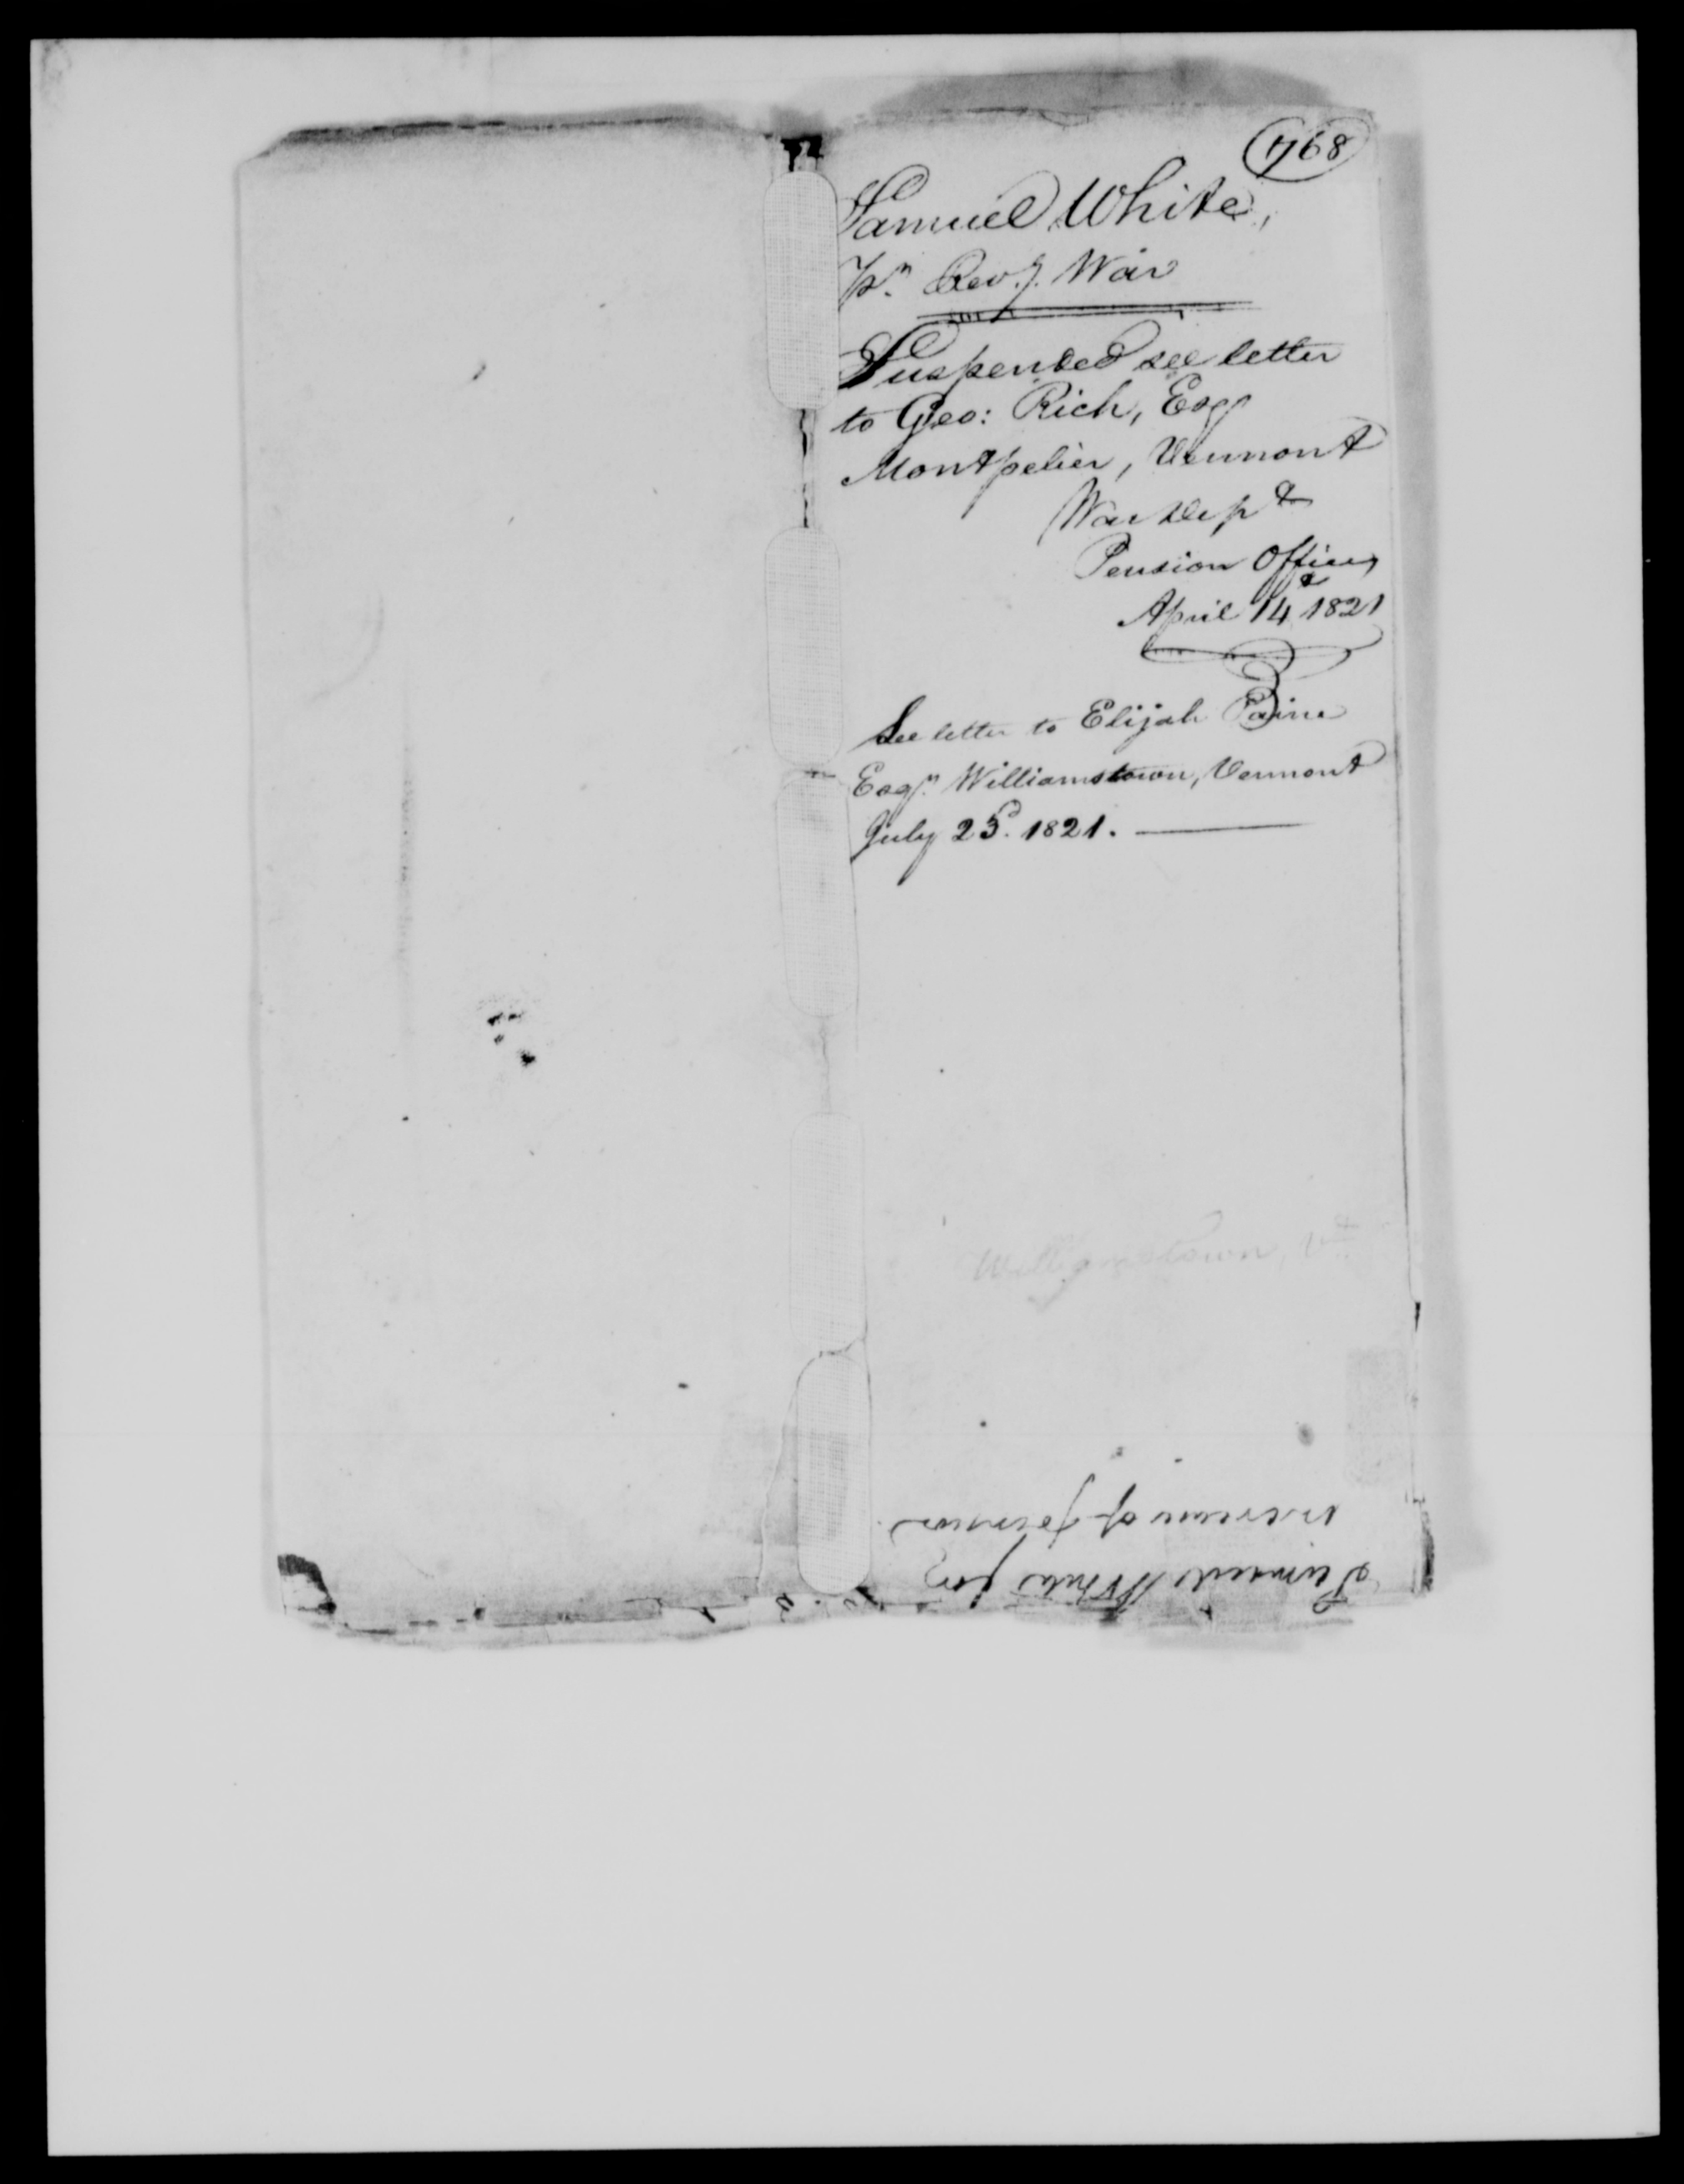768
Samuel White
pr. Revy War

Suspended see letter to Geo. Rich, Esq. Montpelier, Vermont
War Dept. 
Pension Office
April 14, 1821

See letter to Elijah Paine Esq. Wiliamstown Vermont
July 25, 1821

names: Elijah Paine, Geo Rich, Samuel White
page: 72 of 79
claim: survivor's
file: S. 11759, Samuel White, Mass.